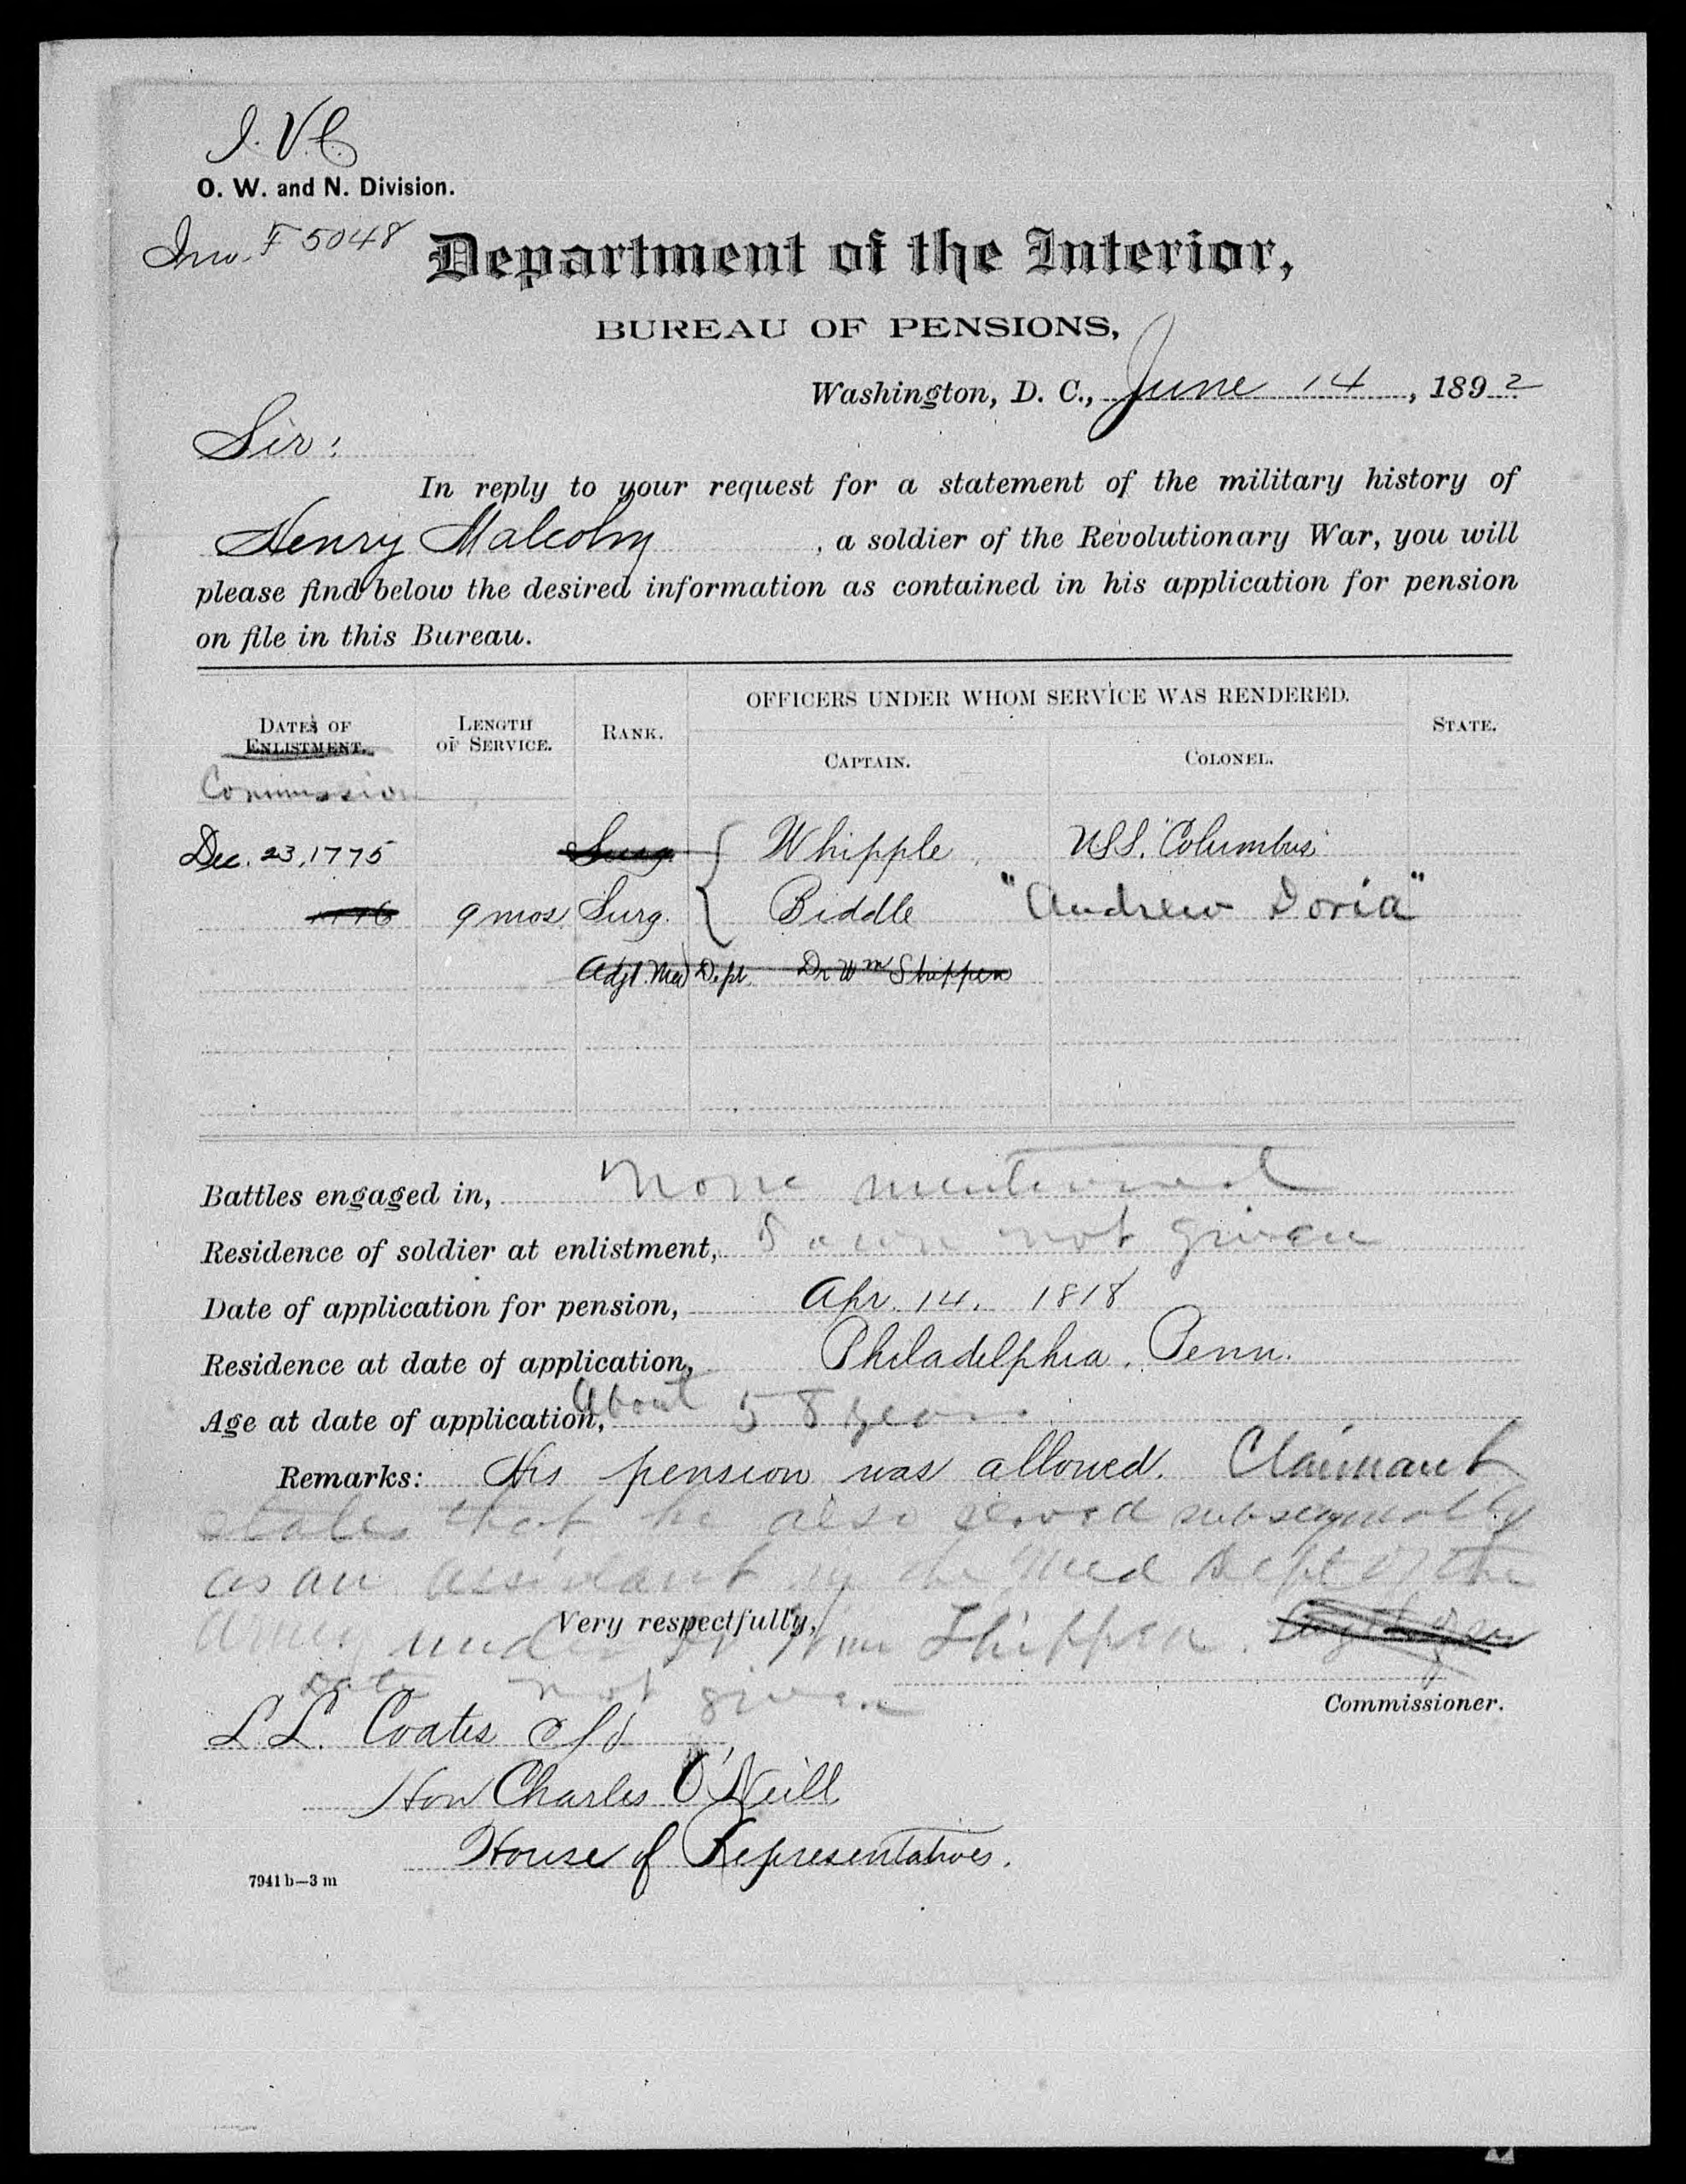J.V. C.
O. W. and N. Division. 
Jno. F 5048
Department of the Interior,
BUREAU OF PENSIONS,
Washington, D., June 14, 1892
Sir
In reply to your request for a statement of the military history of Henry Malcolm a soldier of the Revolutionary War, you will please find below the desired information as contained in his application for pension on file in this Bureau.
DATES OF Commission | Dec. 23, 1775 | LENGTH OF SERVICE.| 9 mos. | RANK. | Surg. | OFFICERS UNDER WHOM SERVICE WAS RENDERED. | CAPTAIN. | Whipple Biddle | COLONEL. | U.S. S. Columbus "Andrew Doria" | STATE.
Battles engaged in, none mentioned
Residence of soldier at enlistment, Town not given
Date of application for pension, Apr. 14, 1818
Residence at date of application, Philadelphia, Penn.
Age at date of application, about 58 years
Remarks: His pension was allowed. Claimant states that he also served subsequently as an assistant in the [illegible] Dept of the Army under Dr. Wm Thippen. Date not given Commissioner.
L L Coates C/O
Hon Charles O'Neill
House of Representatives.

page: 21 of 28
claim: survivor's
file: S. 5,048, for Henry Malcolm